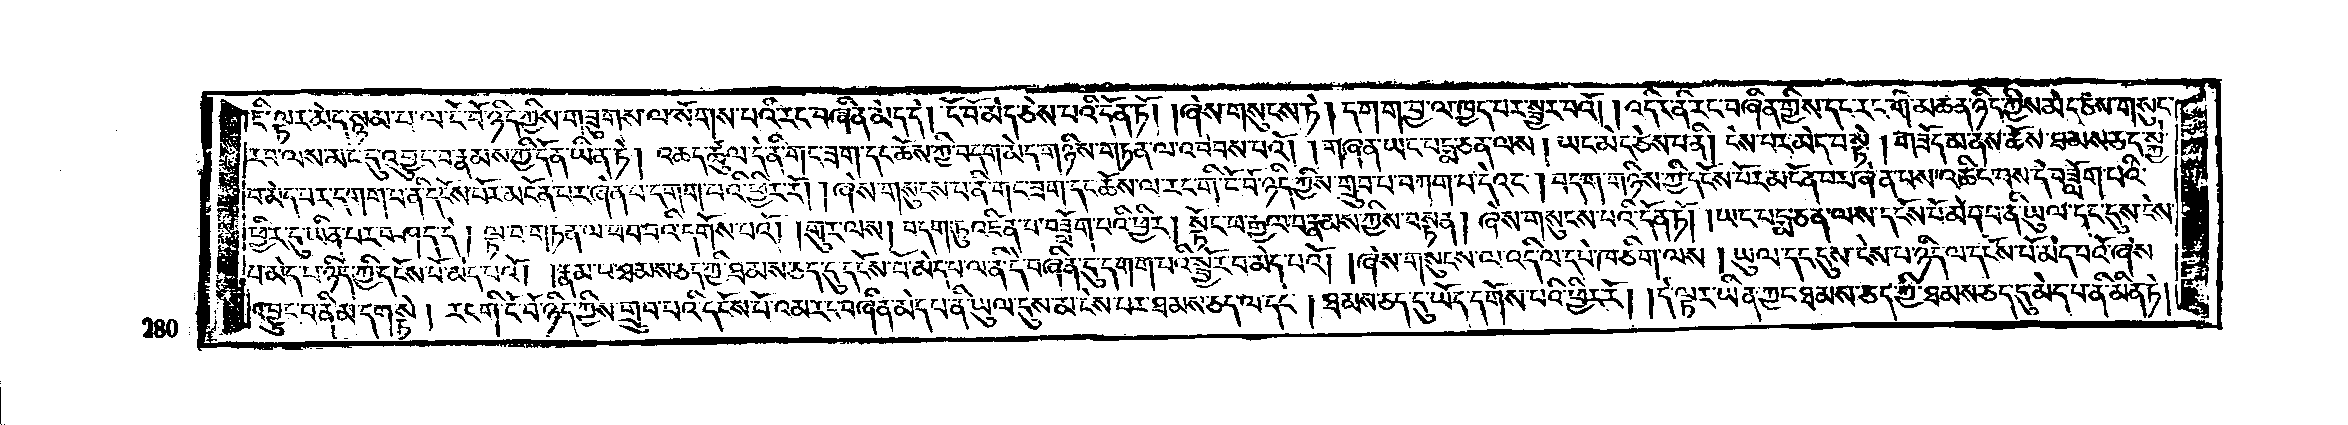ཇི་ལྟར་མེད་སྙམ་པ་ལ་ངོ་བོ་ཉིད་ཀྱིས་གཟུགས་ལ་སོགས་པའི་རང་བཞིན་མེད་དེ། ངོ་བོ་མེད་ཅེས་པའི་དོན་ཏོ། །ཞེས་གསུངས་ཏེ། དགག་བྱ་ལ་ཁྱད་པར་སྦྱར་བའོ། །འདིར་ནི་རང་བཞིན་གྱིས་དང་རང་གི་མཚན་ཉིད་ཀྱིས་མེད་ཅེས་གསུང་
རབ་ལས་མང་དུ་འབྱུང་བ་རྣམས་ཀྱི་དོན་ཡིན་ཏེ། འཆད་ཚུལ་དེ་ནི་གང་ཟག་དང་ཆོས་ཀྱི་བདག་མེད་གཉིས་གཏན་ལ་འབེབས་པའོ། །གཞན་ཡང་པདམ་ཅན་ལས། ཡང་མེད་ཅེས་པ་ནི། ངེས་པར་མེད་པ་སྟེ། གཟོད་མ་ནས་ཆོས་ཐམས་ཅད་སྐྱེ་
པ་མེད་པར་དགག་པ་ནི་དངོས་པོར་མངོན་པར་ཞེན་པ་དགག་པའི་ཕྱིར་རོ། །ཞེས་གསུངས་པ་ནི་གང་ཟག་དང་ཆོས་ལ་རང་གི་ངོ་བོ་ཉིད་ཀྱིས་གྲུབ་པ་བཀག་པ་དེའང་། བདག་གཉིས་ཀྱི་དངོས་པོར་མངོན་པར་ཞེ་ན་པས་འཆིང་བས་དེ་བཟློག་པའི་
ཕྱིར་དུ་ཡིན་པར་བཤད་དེ། ལྟ་བ་གཏན་ལ་ཕབ་བའི་དགོས་པའོ། །གུར་ལས། བདག་ཏུ་འཛིན་པ་བཟློག་པའི་ཕྱིར། སྟོང་པ་རྒྱལ་བ་རྣམས་ཀྱིས་བསྟན། ཞེས་གསུངས་པའི་དོན་ཏོ། །ཡང་པདམ་ཅན་ལས་དངོས་པོ་མེད་པ་ནི་ཡུལ་དང་དུས་ངེས་
པ་མེད་པ་ཉིད་ཀྱི་དངོས་པོ་མེད་པའོ། །རྣམ་པ་ཐམས་ཅད་ཀྱི་ཐམས་ཅད་དུ་དངོས་པོ་མེད་པ་ལ་ནི་དེ་བཞིན་དུ་དགག་པའི་སྦྱོར་བ་མེད་པའོ། །ཞེས་གསུངས་ལ་འདི་ལ་དཔེ་ཁ་ཅིག་ལས། ཡུལ་དང་དུས་ངེས་པ་ཉིད་ལ་དངོས་པོ་མེད་པའོ་ཞེས་
འབྱུང་བ་ནི་མ་དག་སྟེ། རང་གི་ངོ་བོ་ཉིད་ཀྱིས་གྲུབ་པའི་དངོས་པོ་འམ་རང་བཞིན་མེད་པ་ནི་ཡུལ་དུས་མ་ངེས་པར་ཐམས་ཅད་ལ་དང་། ཐམས་ཅད་དུ་ཡོད་དགོས་པའི་ཕྱིར་རོ། །དེ་ལྟར་ཡིན་ཀྱང་ཐམས་ཅད་ཀྱི་ཐམས་ཅད་དུ་མེད་པ་ནི་མིན་ཏེ།